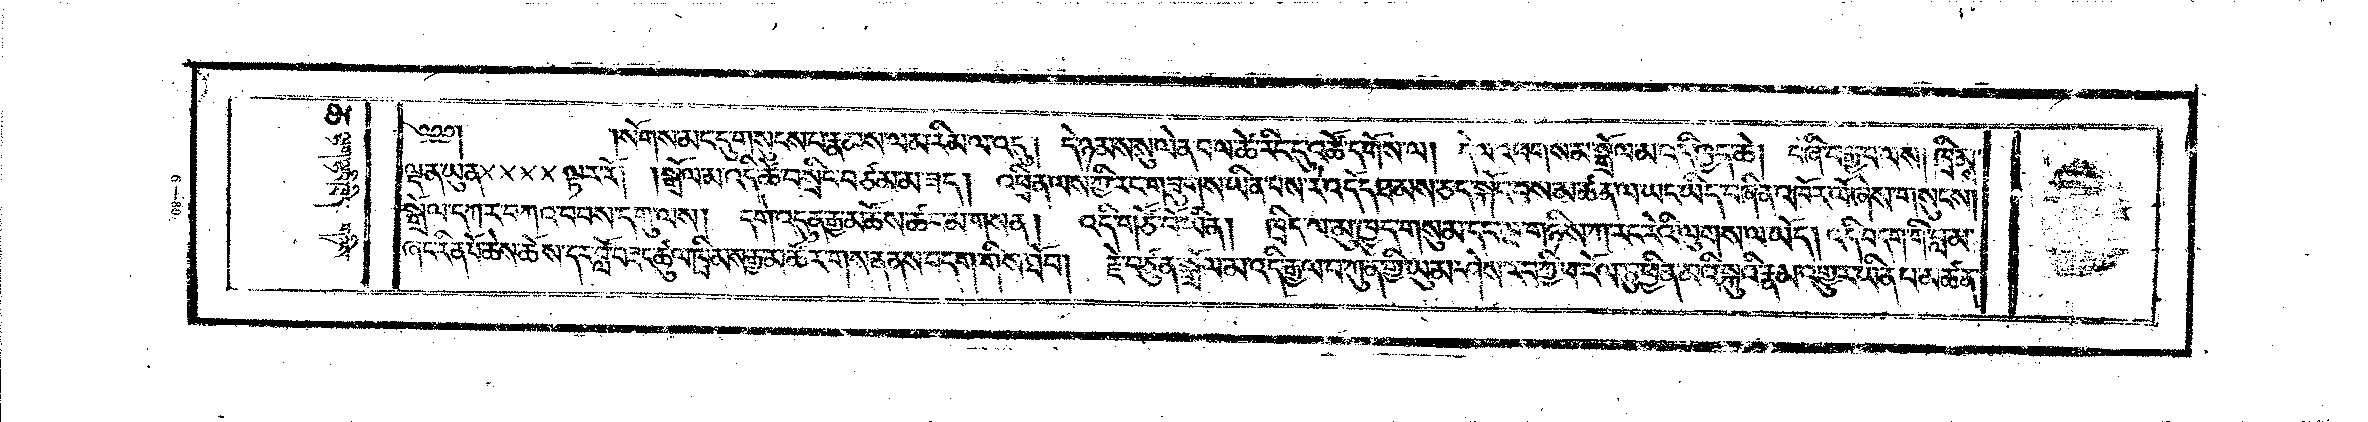༄༅༅། །སོགས་མང་དུ་གསུངས་པ་རྣམས་ལམ་རིམ་ལ་འདུ། དེ་ཉམས་སུ་ལེན་བ་ལ་ཚེ་རིང་དུ་འཚོ་དགོས་ལ། དེ་ལ་འཕགས་མ་སྒྲོལ་མ་འདི་ཁྱད་ཆེ། བཞི་བརྒྱ་བ་ལས། ཁྲིམས་
ལྡན་ཡུན་྾྾྾་ལྟར་རོ། །སྒྲོལ་མ་འདི་ཚེ་བསྲིང་བཙམ་མ་ཟད། འཕྲིན་ལས་ཀྱི་རང་གཟུགས་ཡིན་པས་རེ་འདོད་ཐམས་ཅད་སྐོང་བས་མཚན་ལ་ཡང་ཡིད་བཞིན་འཁོར་ལོ་ཞེས་གསུངས།
སྒྲོལ་དཀར་བཀའ་བབས་དགུ་ལས། དགེ་འདུན་རྒྱ་མཚོས་ཚང་མ་གསན། འདི་གཙོ་བོ་ཡིན། ཁྲིད་ལ་མུ་ཁྱུད་གསུམ་དང་ལྔ་གཉིས་ཀ་རང་རེའི་ལུགས་ལ་ཡོད། འདི་བདག་གི་བླ་མ་
ཞང་རིན་པོ་ཆེས་ཆེས་དར་བློ་བཟང་ཚུལ་ཁྲིམས་རྒྱ་མཚོར་གསན་ནས་བདག་གིས་ཐོབ། རྗེ་བཙུན་སྒྲོལ་མ་འདི་རྒྱལ་བ་ཀུན་གྱི་ཡུམ་ཤེས་རབ་ཀྱི་ཕ་རོལ་ཏུ་ཕྱིན་མའི་སྐུའི་རྣམ་འགྱུར་ཡིན་པ་མཚན་